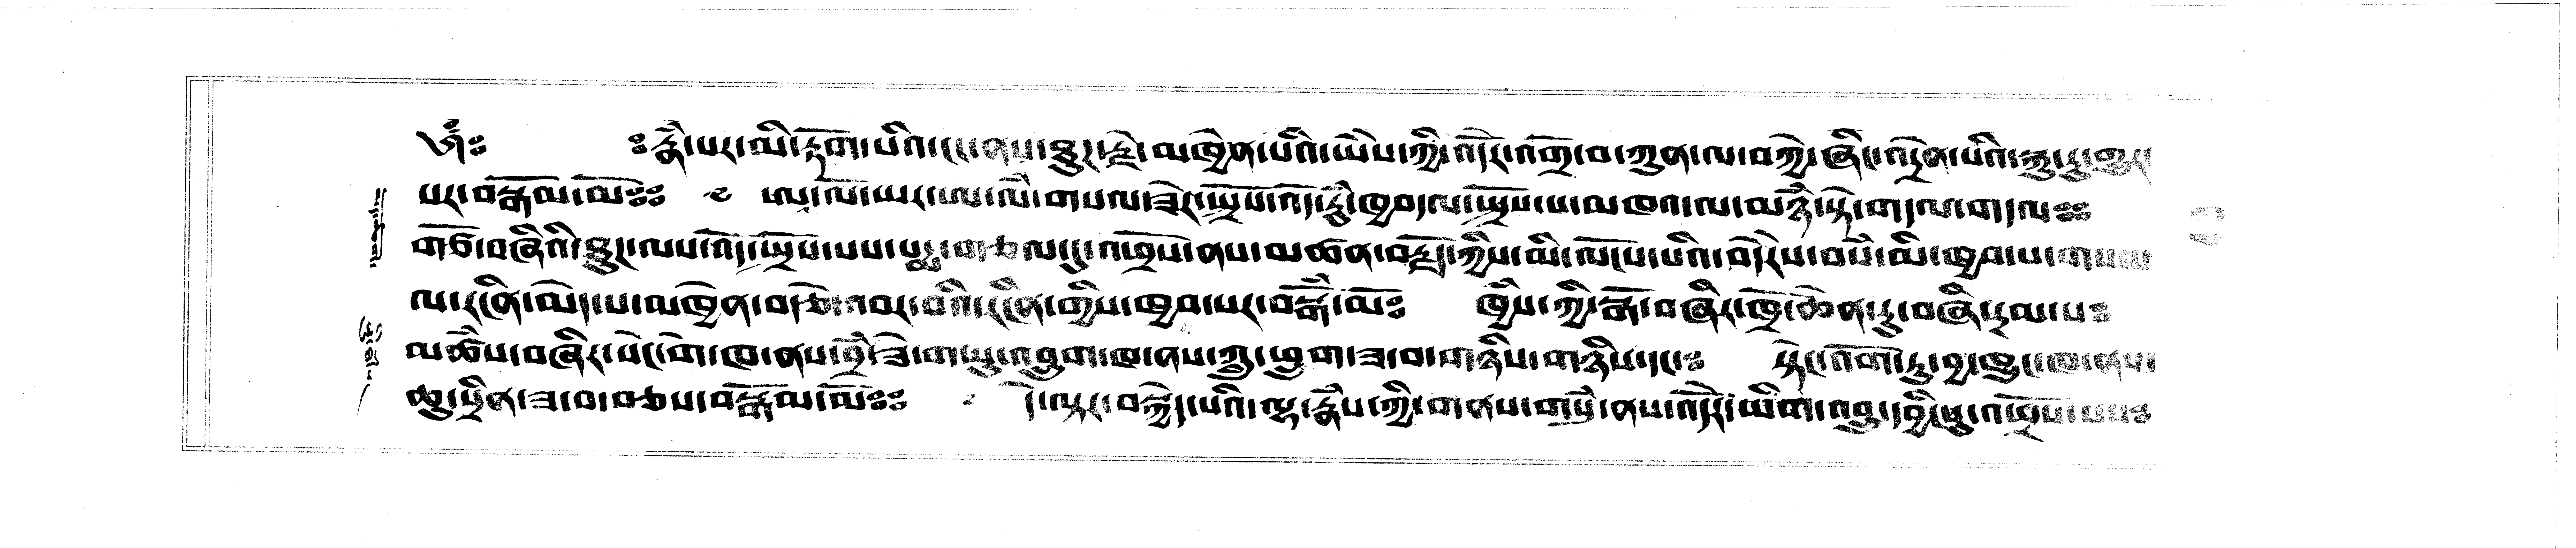རྣམ་པར་མི་རྟོག་པའི་ངང་ནས་ཐུགས་རྗེ་མཁྱེན་པའི་ཡེ་ཤེས་ཀྱི་འོད་ཟེར་འགྲོ་བ་ཀུན་ལ་བཀྱེ་ཞིང་འདྲེན་པའི་སྐུ་རུ་གྱུར་
པར་བསྒོམ་མོཿ ཨ་ལོ་སྤར་ཨ་ལམ་གསལ་ཟེར་སྤྲོས་འོད་རུམ་ཁྱབ་བདལ་སྤྲོས་པ་མཁའ་ལ་མཉམ་སྟེ་གདལ་གདལཿ
 གཙོ་བོ་བཞིའི་ཐུགས་ལས་འོད་སྤྲོས་པས་པདྨ་གཅལ་དུ་སྤྲོས་ནས་མཚན་བརྗོད་ཀྱིས་མི་ལངས་པའི་བདེར་གཤེགས་བསམ་མི་ཁྱབ་པ་གསལ་
ལ་རང་བཞིན་མེད་པ་མཁྱེན་བརྩེ་འབར་བའི་རང་བཞིན་གྱིས་ཁྱབ་པར་བསྒོམ་མོཿ ཁྱམས་ཀྱི་སྒོ་བཞིར་ཁྲོ་ཆེན་རུ་བཞི་རྔམ་པཿ 
མཚམས་བཞིར་སེང་གེའི་ཁ་ནས་བྲམ་ཟེ་གཡུ་འབྲུག་ཁ་ནས་ཀླུ་ཕྲུག་ཟ་བ་གཉིས་གཉིས་དངཿ སྟེང་འོག་ཏུ་བྱ་ཁྱུང་ཁ་ནས་
ཆུ་སྲིན་ཟ་བ་བཅས་བསྒོམ་མོཿ དེ་ལྟར་བསྐྱེད་པའི་ལྷ་རྣམས་ཀྱི་གནས་གསུམ་ནས་འོད་ཟེར་ཡིག་འབྲུ་དབྱིངས་སུ་འཕྲོས་པསཿ